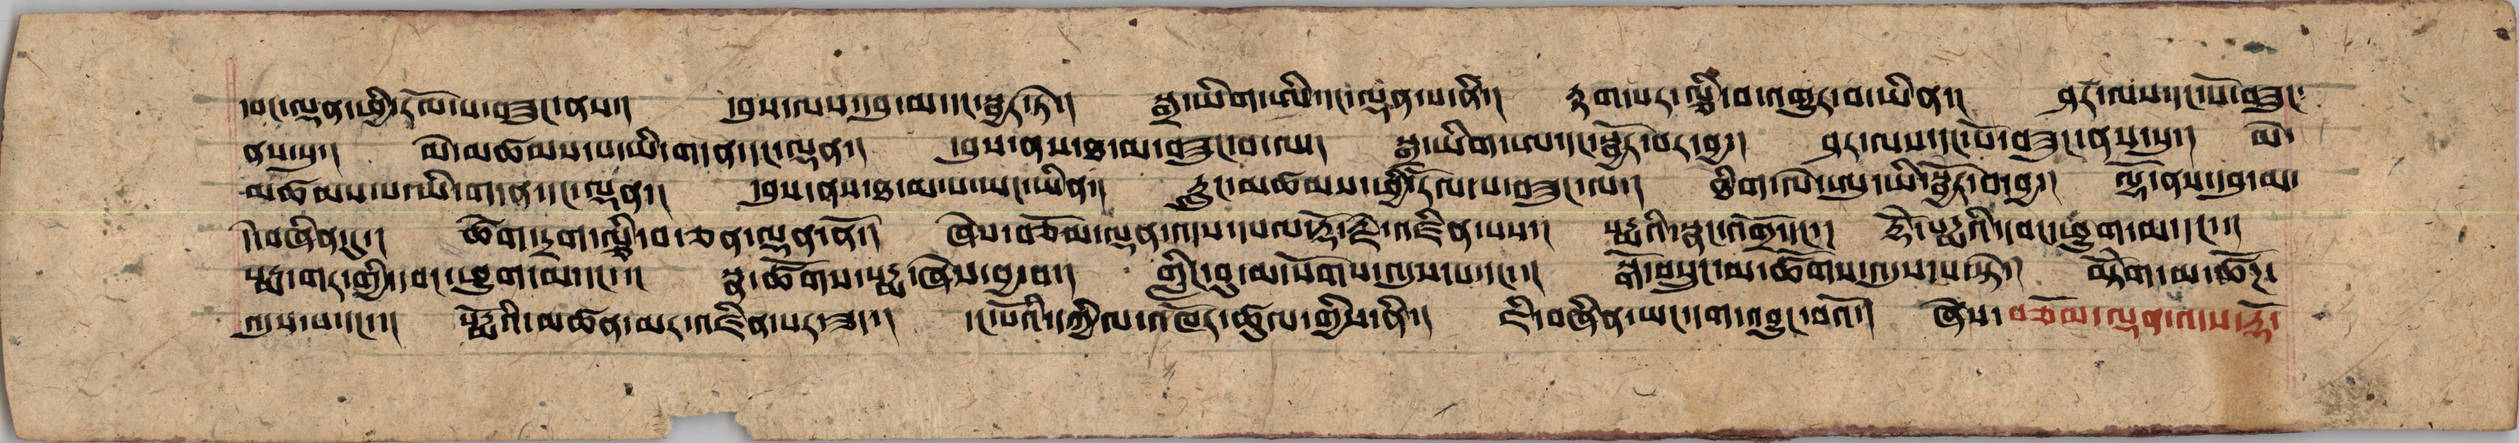དབང་ལྡན་ཕྱི་རོལ་པ་བཟུང་ནས་། དབུས་ལས་དབུ་མ་དང་སྦྱར་ཏེ་། སྒྲ་ཡིག་ཨི་དང་ལྡན་པ་ནི་། རྟག་པར་ལྕི་བ་འགྱུར་བ་ཡིན་། ཤར་ལས་དང་པོ་བཟུང་
ནས་སུ་། མེ་མཚམས་པ་ཡི་གདན་དང་ལྡན་། དབུས་ནས་ཐ་མ་བཟུང་བ་ལ་། སྒྲ་ཡིག་ཨ་དང་སྦྱོར་བར་བྱ་། ཤར་ལས་དང་པོ་བཟུང་ནས་སུ་། མེ་
མཚམས་པ་ཡི་གདན་དང་ལྡན་། དབུས་ནས་ཐ་མ་པ་ཡང་ཡིན་། རླུང་མཚམས་ཕྱི་རོལ་པ་བཟུང་ལ་། ཐིག་ལེ་ཨུ་ཡི་སྦྱོར་བ་བྱ་། ལྷོ་ནས་དབུ་མ་
དེ་བཞིན་དུ་། ཚེག་དྲག་ལྕི་བ་ཅན་ལྡན་ནོ་། ཞེས་བཅོམ་ལྡན་འདས་དཔལ་རྡོ་རྗེ་འཛིན་པས་། པདྨའི་སྣང་འགྲོས་དང་། རྡོེ་པདྨའི་དབང་ཕྱུག་མ་དང་་།
པདྨ་གར་གྱི་དབང་ཕྱུག་མ་དང་་། སྣ་ཚོགས་པདྨ་ཞེས་བྱ་བ་། གླིང་བུ་མ་སོགས་འདུས་པ་དང་་། སྒོ་བསྲུང་མ་ཚོགས་འདུས་པ་སྟེ་། མྟེོག་མ་ཚོཌ་
འདུས་པ་དང་། པདྨོའི་མཚན་མར་འཛིན་པར་ཟད་། དང་པོའི་དཀྱིལ་འཁོར་ཚུལ་གྱིས་ནི་། ཇི་བཞིན་ཡང་དག་འབྱུང་བའོ་། ཞེས་བཅོམ་ལྡན་འདས་